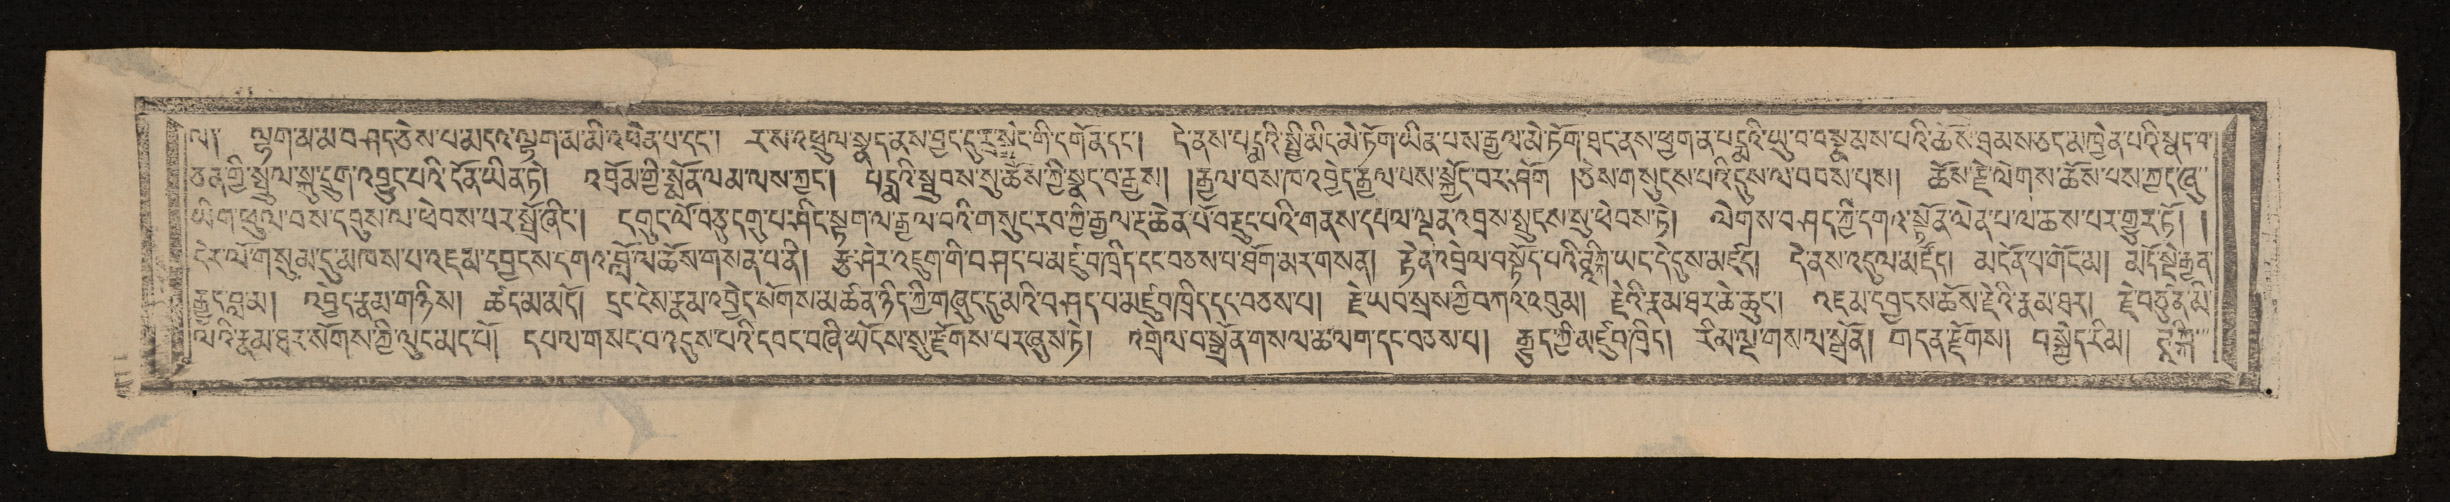ལ༑ ལྷག་མ་མ་བཤད་ཅེས་པ་མདའ་ལྷག་མ་མི་འཕེན་པ་དང་། རས་འཕྲུལ་སྣང་ནས་བྱང་དུ་རྭ་སྒྲེང་གི་དགོན་དང་། དེ་ནས་པདམའི་སྤྱི་མིང་མེ་ཏོག་ཡིན་པས་རྒྱལ་མེ་ཏོག་ཐང་ནས་ཕྱག་ན་པདམའི་ཡུ་བ་བསྣམས་པའི་ཆོས་ཐམས་ཅད་མཁྱེན་པའི་སྣང་བ་
ཅན་གྱི་སྤྲུལ་སྐུ་དྲུག་འབྱུང་པའི་དོན་ཡིན་ཏེ། འབྲོམ་གྱི་སྨོན་ལམ་ལས་ཀྱང་། པདམའི་སྤུབས་སུ་ཆོས་ཀྱི་སྣང་བ་རྒྱས། །རྒྱལ་བས་ཁ་འབྱེད་རྒྱལ་བས་སྐྱོང་བར་ཤོག །ཅེས་གསུངས་པའི་དུས་ལ་བབས་པས། ཆོས་རྗེ་ལེགས་ཆོས་པས་ཀྱང་ཞུ་
ཡིག་ཕུལ་བས་དབུས་ལ་ཕེབས་པར་སྤྲོ་ཞིང་། དགུང་ལོ་བཅུ་དགུ་པ་ཤིང་སྟག་ལ་རྒྱལ་བའི་གསུང་རབ་ཀྱི་རྒྱལ་རྔ་ཆེན་པོ་བརྡུང་པའི་གནས་དཔལ་ལྡན་འབྲས་སྤུངས་སུ་ཕེབས་ཏེ། ལེགས་བཤད་ཀྱི་དགའ་སྟོན་ལེན་པ་ལ་ཆས་པར་གྱུར་ཏོ། །
དེར་ལོ་གསུམ་དུ་མཁས་པ་འཇམ་དབྱངས་དགའ་བློ་ལ་ཆོས་གསན་པ་ནི། རྩ་ཤེར་འཇུག་གི་བཤད་པ་མཛུབ་ཁྲིད་དང་བཅས་པ་ཐོག་མར་གསན། རྟེན་འབྲེལ་བསྟོད་པའི་ཊཱིཀྐ་ཡང་དེ་དུས་མཛད། དེ་ནས་འདུལ་མཛོད། མངོན་པ་གོང་མ། མདོ་སྡེ་རྒྱན།
རྒྱུད་བླ་མ། འབྱེད་རྣམ་གཉིས། ཚད་མ་མདོ། དྲང་ངེས་རྣམ་འབྱེད་སོགས་མཚན་ཉིད་ཀྱི་གཞུང་དུ་མའི་བཤད་པ་མཛུབ་ཁྲིད་དང་བཅས་པ། རྗེ་ཡབ་སྲས་ཀྱི་བཀའ་འབུམ། རྗེའི་རྣམ་ཐར་ཆེ་ཆུང་། འཇམ་དབྱངས་ཆོས་རྗེའི་རྣམ་ཐར། རྗེ་བཙུན་མི་
ལའི་རྣམ་ཐར་སོགས་ཀྱི་ལུང་མང་པོ། དཔལ་གསང་བ་འདུས་པའི་དབང་བཞི་ཡོངས་སུ་རྫོགས་པར་ཞུས་ཏེ། འགྲེལ་པ་སྒྲོན་གསལ་ཆ་ལག་དང་བཅས་པ། རྒྱུད་ཀྱི་མཛུབ་ཁྲིད། རིམ་ལྔ་གསལ་སྒྲོན། གདན་རྫོགས། བསྐྱེད་རིམ། ཊཱིཀྐ་